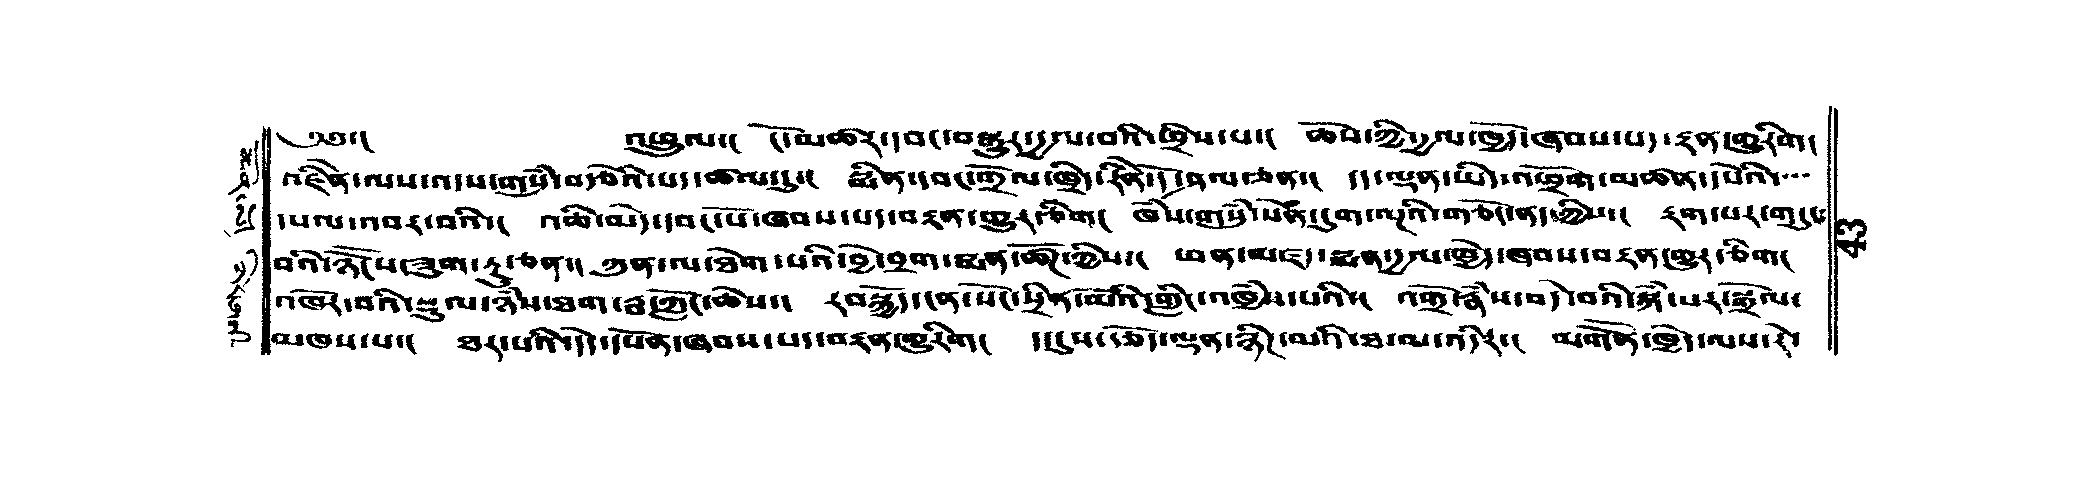འཕྲུལ། །ངོ་མཚར་དབང་བསྒྱུར་རྒྱལ་བའི་ཕྲིན་ལས་པ། །ཆོས་ཀྱི་རྒྱལ་ཁྱོད་ཞབས་པད་བརྟན་གྱུར་ཅིག །
འཇིག་རྟེན་ལས་འདས་གསུམ་བརྩེན་པད་ཚལ་དུ། །སྨིན་དབང་གྲོལ་ཁྲིད་རིན་ཆེན་དོ་ཤལ་ཅན། །དད་ལྡན་ཡིད་འཕྲོག་མཚན་དཔེའི་
དཔལ་འབར་བའི། །འཆི་མེད་དབང་པོ་ཞབས་པད་བརྟན་གྱུར་ཅིག །ཁམས་གསུམ་སེམས་ཅན་དུག་ལྔའི་གཅོང་ནད་ཀྱིས། །རྟག་པར་གདུངས་
བའི་ཉོན་མོངས་ཟུག་རྔུ་ཅན། །ཀུན་ལ་ཐེག་པའི་བྱེ་བྲག་སྨན་ཚོགས་ཀྱིས། །ཕན་མཛད་སྨན་རྒྱལ་ཁྱེད་ཞབས་བརྟན་གྱུར་ཅིག །
འཁོར་བའི་སྡུག་བསྔལ་ཉམས་ཐག་རྦ་ཀློང་ཆེས། །རབ་བསྐྱོད་ངན་སོང་སྲིན་མོའི་གླིང་འཁྱམས་པའི། །འགྲོ་རྣམས་བདེ་བའི་སྐམ་སར་སྒྲོལ་
མཁས་པ། །ཐར་པའི་དེད་དཔོན་ཞབས་པད་བརྟན་གྱུར་ཅིག །དད་དུས་རྩོད་ལྡན་སྙིགས་མའི་ཐ་མ་འདིར། །མགོན་པོ་ཁྱེད་ལས་རེ་